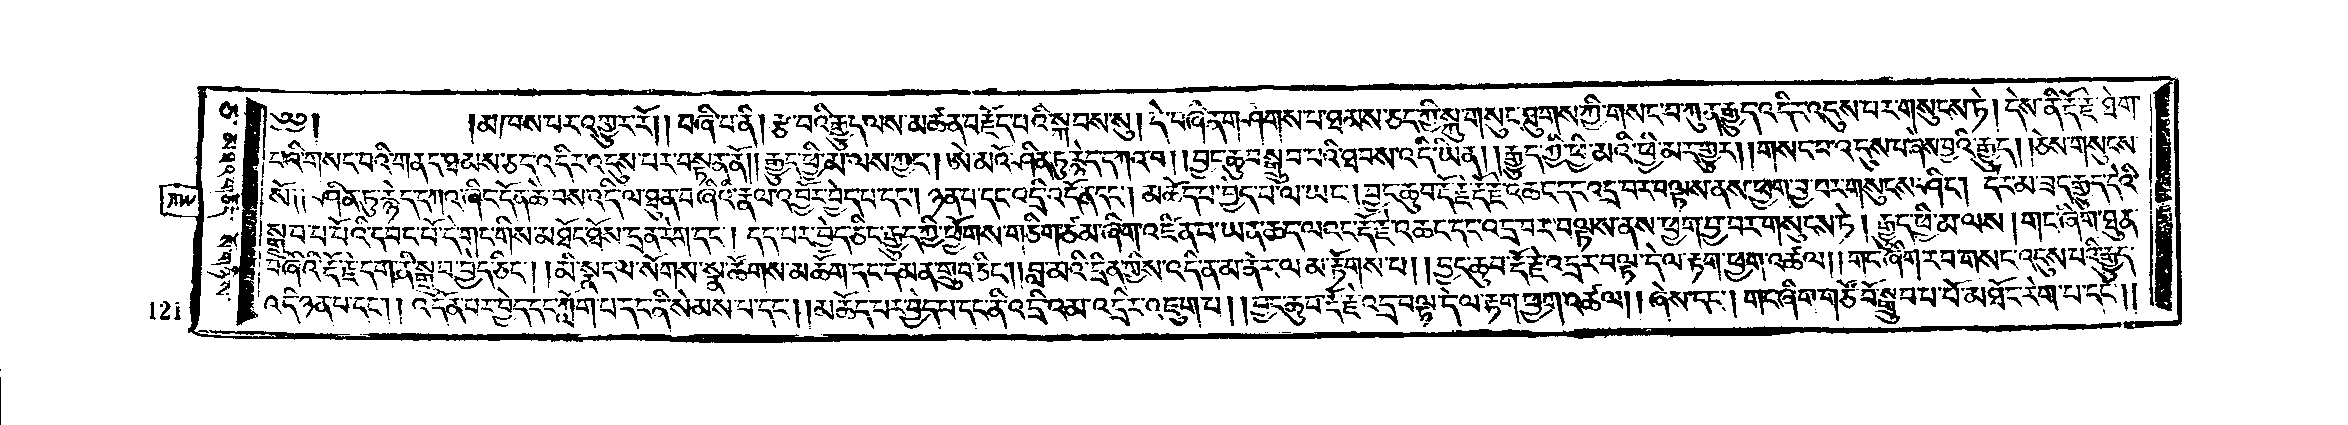༄༅། །མཁས་པར་འགྱུར་རོ། །བཞི་པ་ནི། རྩ་བའི་རྒྱུད་ལས་མཚན་བརྗོད་པའི་སྐབས་སུ། དེ་བཞིན་གཤེགས་པ་ཐམས་ཅད་ཀྱི་སྐུ་གསུང་ཐུགས་ཀྱི་གསང་བ་ཀུན་རྒྱུད་འདིར་འདུས་པར་གསུངས་ཏེ། དེས་ནི་རྡོ་རྗེ་ཐེག་
པའི་གསང་བའི་གནད་ཐམས་ཅད་འདིར་འདུས་པར་བསྟན་ནོ། །རྒྱུད་ཕྱི་མ་ལས་ཀྱང་། ཨེ་མའོ་ཤིན་ཏུ་རྙེད་དཀའ་བ། །བྱང་ཆུབ་སྒྲུབ་པའི་ཐབས་འདི་ཡིན། །རྒྱུད་ཀྱི་ཕྱི་མའི་ཕྱི་མར་གྱུར། །གསང་བ་འདུས་པ་ཞེས་བྱའི་རྒྱུད། །ཅེས་གསུངས་
སོ༑ ༑ཤིན་ཏུ་རྙེད་དཀའ་ཞིང་དོན་ཆེ་བས་འདི་ལ་ཐུན་བཞིའི་རྣལ་འབྱོར་བྱེད་པ་དང་། ཉན་པ་དང་འདྲི་འདོན་དང་། མཆོད་པ་བྱེད་པ་ལ་ཡང་། བྱང་ཆུབ་རྡོ་རྗེ་རྡོ་རྗེ་འཆང་དང་འདྲ་བར་བལྟས་ནས་ཕྱག་བྱ་བར་གསུངས་ཤིང་། དེར་མ་ཟད་རྒྱུད་དེའི་
སྒྲུབ་པ་པོའི་དབང་པོ་དེ་གང་གིས་མཐོང་ཐོས་དྲན་རེག་དང་། དད་པར་བྱེད་ཅིང་རྒྱུད་ཀྱི་ཕྱོགས་གཅིག་ཙམ་ཞིག་འཛིན་པ་ཡན་ཆད་ལའང་རྡོ་རྗེ་འཆང་དང་འདྲ་བར་བལྟས་ནས་ཕྱག་བྱ་བར་གསུངས་ཏེ། རྒྱུད་ཕྱི་མ་ལས། གང་ཞིག་ཐུན་
བཞིའི་རྡོ་རྗེ་དག་ནི་སྒྲུབ་བྱེད་ཅིང་། །མི་སྣང་ལ་སོགས་སྣ་ཚོགས་མཆོག་དང་དམན་གྲུབ་ཅིང་། །བླ་མའི་དྲིན་གྱིས་འདི་ན་མ་ནོར་ལ་མ་རྟོགས་པ། །བྱང་ཆུབ་རྡོ་རྗེ་འདྲར་བལྟ་དེ་ལ་རྟག་ཕྱག་འཚལ། །གང་ཞིག་རབ་གསང་འདུས་པའི་རྒྱུད་
འདི་ཉན་པ་དང་། །འདོན་པར་བྱེད་དང་ཀློག་པ་དང་ནི་སེམས་པ་དང་། །མཆོད་པར་བྱེད་པ་དང་ནི་འདྲི་འམ་འདྲིར་འཇུག་པ། །བྱང་ཆུབ་རྡོ་རྗེ་འདྲ་བལྟ་དེ་ལ་རྟག་ཕྱག་འཚལ། །ཞེས་དང་། གང་ཞིག་གཙོ་བོ་སྒྲུབ་པ་པོ་མཐོང་རེག་པ་དང་། །